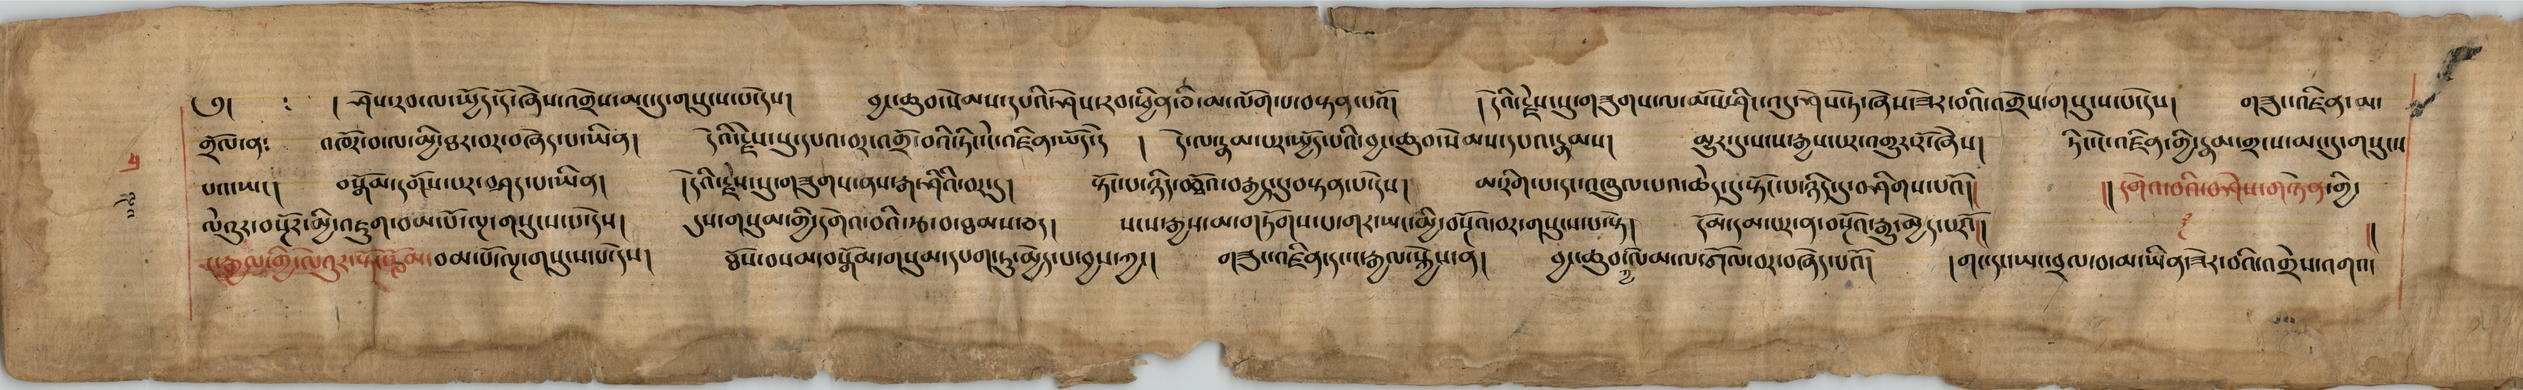༅། ། ཤེས་རབ་ལ་ཡྱོད་དོ་ཞེས་འགྲེས་མང་དུ་གསུངས་པ་དེས། བྱང་ཆུབ་སེམས་དཔའི་ཤེས་རབ་ཕྱིན་ཅི་མ་ལོག་པ་བསྟན་པའོ། ། དེའི་རྗེས་སུ་གཟུགས་ལ་མོས་ཤིང་འདུ་ཤེས་ཏེ་ཞེས་ཟེར་བའི་འགྲེས་གསུངས་པ་དེས། གཟུང་འཛིན་མ་
གྲོལ་ན: འཁོར་བ་ལ་མྱི་ཐར་བར་བཞེད་པ་ཡིན། དེའི་རྗེ་སུ་དཔའ་བར་འགྲོ་བའི་ཏིང་ངེ་འཛིན་ཡོད་དེ ། དེ་ལ་རྣམ་པར་ཡྱོད་པའི་བྱང་ཆུབ་སེམས་དཔའ་རྣམས། མྱུར་དུ་སངས་རྒྱས་པར་འགྱུར་རོ་ཞེས། ཏིང་ངེ་འཛིན་གྱི་རྣམ་གྲངས་མང་དུ་གསུངས
པའ་ཡང། བསྒོམ་དགོས་པར་བཤད་པ་ཡིན། །དེའི་རྗེས་སུ་གཟུགས་ནས་རྒ་ཤིའི་བར་དུ། སྟོང་པ་ཉིད་བཅྭོའ་བརྒྱད་དུ་བསྟན་པ་དེས། མ་རིག་པ་དང་འཁྲུལ་པའ་ཆེད་དུ་སྟོང་པ་ཉིད་དུ་བཤིགས་པའོ།། །།དགེའ་བའི་བཤེས་གཉེན་གྱི་
ལེའུར་བསྔོར་མྱི་འཇུག་བམ་པོ་ལྔ་གསུངས་པ་དེས། དུས་གསུམ་གྱི་དགེའ་བའི་རྩ་བ་ཐམས་ཅད། སངས་རྒྱས་མ་གཏོགས་པ་གར་ཡང་མྱི་བསྔོའ་བར་གསུངས་པ་སྟེ། དོམ་དམ་པར་ན་བསྔོའ་རྒྱུ་མྱེད་པར་།། ༈
ང་རྒྱལ་གྱི་ལེའུར་སྟོང་རློམ་བམ་པོ་ལྔ་གསུངས་པ་དེས། ཐོས་བསམ་བསྒོམ་གསུམ་དཔག་ཏུ་མྱེད་པ་བྱས་ཀྱང། གཟུང་འཛིན་དང་ང་རྒྱལ་སྐྱེས་ན། བྱང་ཆུབ་ལམ་ལ་གོལ་བར་བཞེད་པའོ། །གང་དང་ཡང་བྲལ་བ་མ་ཡིན་ཟེར་བའི་འགྲེས་འགའ་